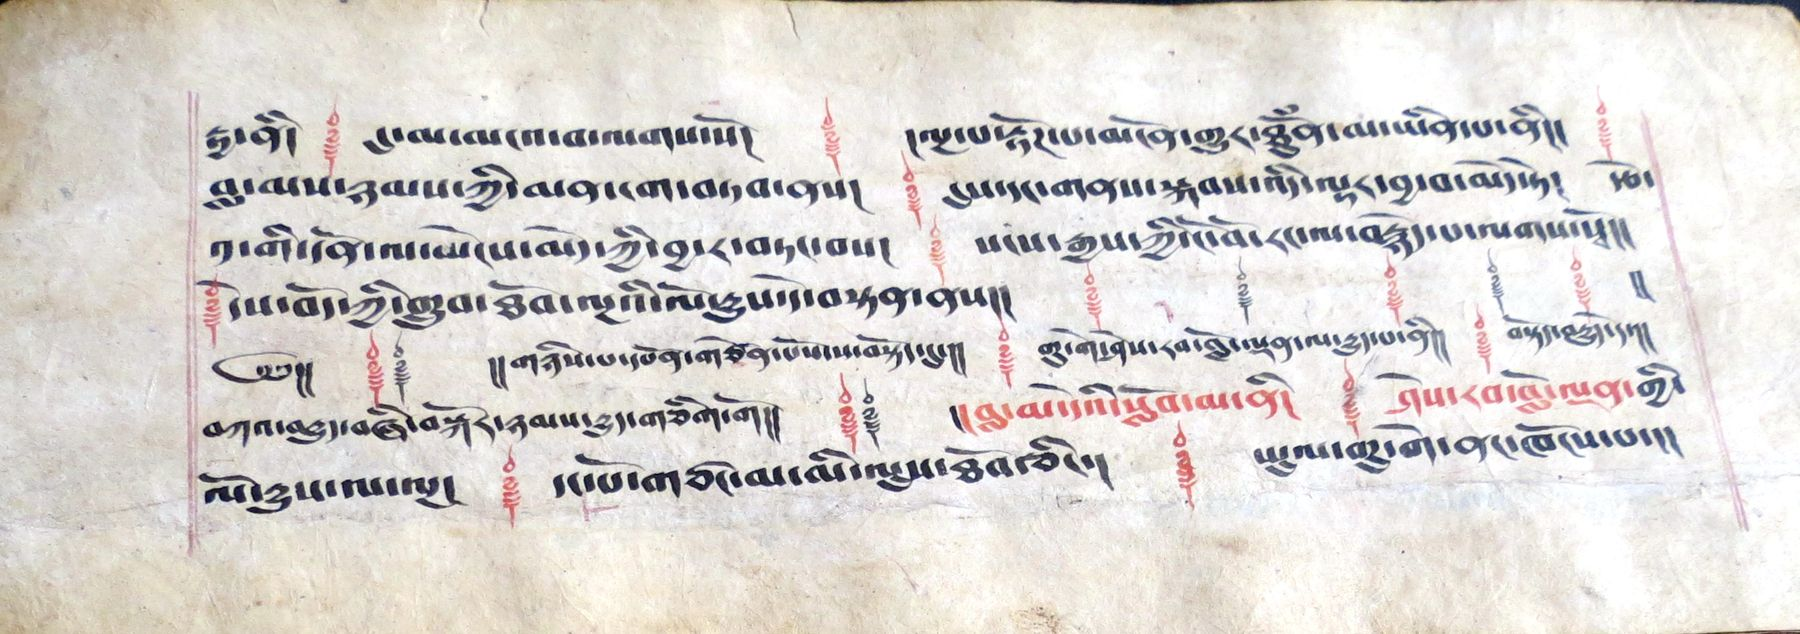རྟགས་ནི། དུ་མ་མངའ་བ་ལགས་སོ། ལྔ་པ་རྟོགས་པ་མངོན་གྱུར་ཐུན་མོང་མ་ཡིན་པ་ནི། 
བླ་མས་ཉམས་ཀྱི་མན་ངག་བཏབ་ནས། དུས་དང་གནས་སྐབས་འདི་ལྟར་བྱ་བ་མེད། རྩེ་
གཅིག་གི་དོན་ལ་ཡེངས་མེད་ཀྱི་བྱ་ར་བཏང་ནས། སངས་རྒྱས་ཀྱི་ངོ་བོ་རང་ལ་རྙེད་པ་ལགས་སོ། ། 
དེ་ནི་བོད་ཀྱི་གྲུབ་ཐོབ་ལྔའི་ལོ་རྒྱུས་བསྟན་ནས། 
གཉིས་པ་དཔོན་བཙན་པོས་ས་སྟོད་དུ། གུ་གེ་ཤེས་རབ་བློ་ལྡན་ལ་བརྒྱུད་པ་ནི་སྟོད་རྒྱུད་དེ། 
བཀའ་རྒྱུད་བཞི་སྐོར་དང་། ཉམས་རྒྱུད་གཅིག་གོ། བླ་མ་དེའི་སློབ་མ་ནི། ཤེས་རབ་བློ་ལྡན་གྱི་
ལོ་རྒྱུས་ལ་ལྔ། དང་པོ་གཙང་མ་མི་ལུས་ཐོབ་ཅིང་། ཡུལ་གུ་གེ་ནང་ཁོངས་པ།